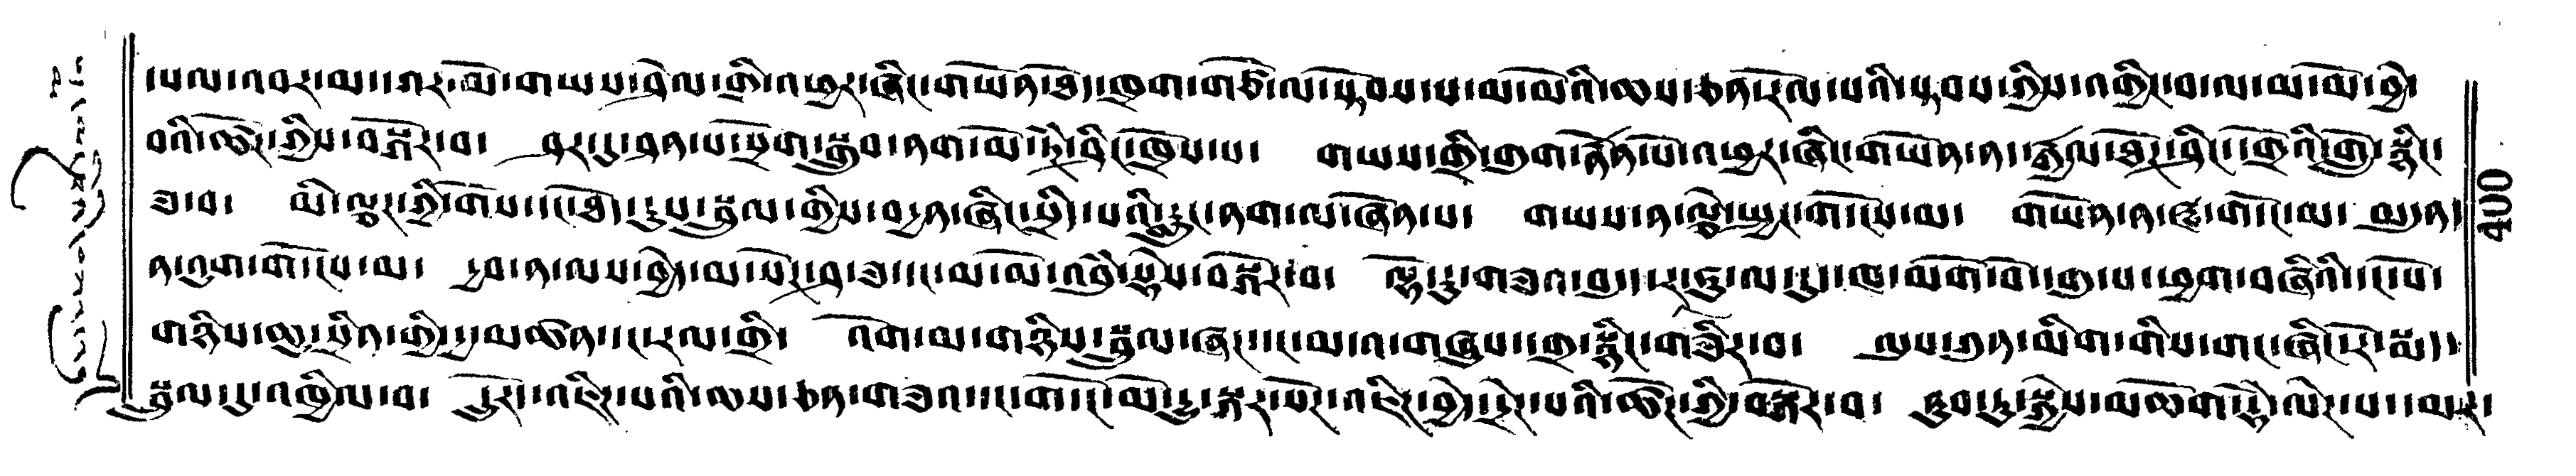དཔལ་འབར་མ་དཀར་མོ་གཡས་ཤེལ་གྲི་འཕྱར་ཞིང་གཡོན་ཐོད་ཁྲག་གཙོ་ལ་སྟོབ་པ་མ་མོའི་ཆས་ཅན་རོལ་པའི་སྟབས་ཀྱིས་འགྱིང་བ་ལ་མ་མོ་བྱེ་
བའི་ཚོགས་ཀྱིས་བསྐོར་བ། ཤར་དུ་ཤན་པ་སྲོག་སྒྲུབ་ནག་མོ་རྔམས་ཤིང་ཁྲོས་པ། གཡས་གྲི་གུག་རྣོན་པོ་འཕྱར་ཞིང་གཡོན་ནད་རྐྱལ་ཐོགས་ཤིང་དགྲ་བོའི་གློ་སྙིང་
ཟ་བ། མི་ལྤགས་ཀྱི་གོས་དང་ཐོད་རུས་སྦྲུལ་གྱིས་བརྒྱན་ཞིང་སྲིད་པའི་རླུང་ནག་ལ་ཞོན་པ། གཡས་ན་ལྕེ་སྤྱང་གདོང་མ། གཡོན་ན་ཝ་གདོང་མ། མདུན་
ན་འུག་གདོང་མ། རྒྱབ་ན་ལས་བྱེད་མ་སོགས་ཤ་ཟ་དང་མ་མོ་འབུམ་སྡེས་བསྐོར་བ།ལྷོ་རུ་གཟའ་བདུད་རཱ་ཧུ་ལ་དུད་ཁ་མགོ་བོ་དགུ་པ་ཕྱག་བཞིའི་དང་པོ་
གཉིས་ཆུ་སྲིན་གྱི་རྒྱལ་མཚན་དང་རལ་གྲི། འོག་མ་གཉིས་སྦྲུལ་ཞགས་དང་མདའ་གཞུས་དགྲ་སྙིང་གཟིར་བ། ལུས་ཀུན་མིག་གིས་གང་ཞིང་རོ་སྨད་
སྦྲུལ་དུ་འཁྱིལ་བ། དུར་ཁྲོད་འཇིགས་པའི་ཆས་ཅན། གཟའ་དང་གདོང་མོ་རྒྱུ་སྐར་སོགས་འཇིགས་བྱེད་དྲེགས་པའི་ཚོགས་ཀྱི་བསྐོར་བ། ནུབ་ཏུ་སྐྱེས་མཆོག་རྡོ་རྗེ་ལེགས་པ་དམར་